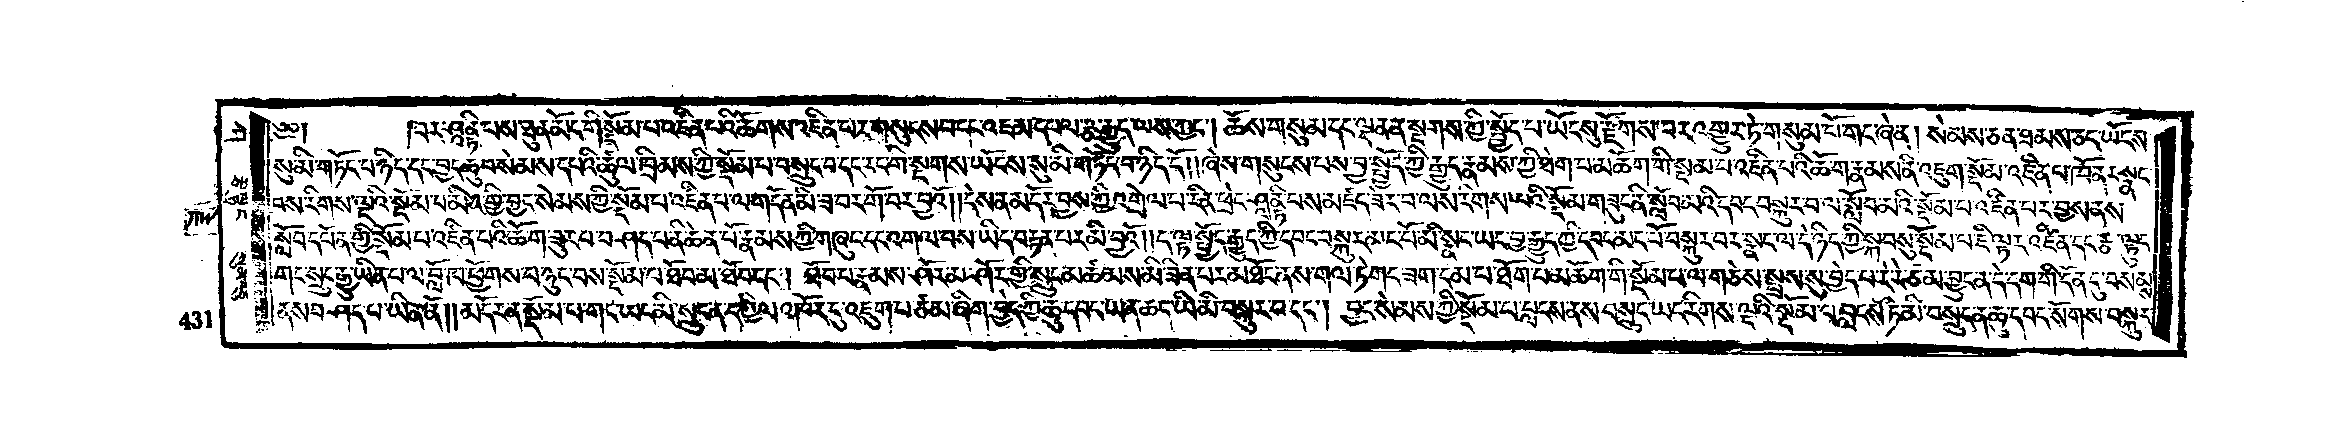༄༅། །བར་ཤཱནྟི་པས་ཐུན་མོང་གི་སྡོམ་པ་འཛིན་པའི་ཆོགས་འཇིན་པར་གསུངས་བ་དང་འཇམ་དཔལ་རྩ་རྒྱུད་ལས་ཀྱང་། ཆོས་གསུམ་དང་ལྡན་ན་སྔགས་ཀྱི་སྤྱོད་པ་ཡོངས་སུ་རྫོགས་བར་འགྱུར་ཏེ་གསུམ་པོ་གང་ཞེ་ན། སེམས་ཅན་ཐམས་ཅད་ཡོངས་
སུ་མི་གཏོང་པ་ཉིད་དང་བྱང་ཆུབ་སེམས་དཔའི་ཚུལ་ཁྲིམས་ཀྱི་སྡོམ་པ་བསྲུང་བ་དང་རང་གི་སྔགས་ཡོངས་སུ་མི་གཏོང་བ་ཉིད་དོ། །ཞེས་གསུངས་པས་བྱ་སྤྱོད་ཀྱི་རྒྱུད་རྣམས་ཀྱི་ཐེག་པ་མཆོག་གི་སྡོམ་པ་འཛིན་པའི་ཆོག་ག་རྣམས་ནི་འཇུག་སྡོམ་འཛིན་པ་ཁོ་ནར་སྣང་
བས་རིགས་ལྔའི་སྡོམ་པ་མིན་གྱི་བྱང་སེམས་ཀྱི་སྡོམ་པ་འཛིན་པ་ལ་གདོན་མི་ཟ་བར་གོ་བར་བྱའོ། །དེས་ན་མདོར་བྱས་ཀྱི་འགྲེལ་པ་རིན་ཕྲེང་ཤཱནྟི་པས་མཛད་ཟེར་བ་ལས་རིགས་པའི་སྡོམ་གཟུང་ནི་སློབ་མའི་དབང་བསྐུར་བ་ལ་སློབ་མའི་སྡོམ་པ་འཛིན་པར་བྱས་ནས་
སློབ་དཔོན་གྱི་སྡོམ་པ་འཛིན་པའི་ཆོ་ག་ཟུར་པ་བཤད་པ་ནི་ཆེན་པོ་རྣམས་ཀྱི་གཞུང་དང་འགལ་བས་ཡིད་བརྟན་པར་མི་བྱའོ། །ད་ལྟ་སྤྱོད་རྒྱུད་ཀྱི་དབང་བསྐུར་མང་པོ་མི་སྣང་ཡང་བྱ་རྒྱུད་ཀྱི་དབང་མང་པོ་བསྐུར་བར་སྣང་ལ་དེ་ཉིད་ཀྱི་སྐབས་སུ་སྡོམ་པ་ཇི་ལྟར་འཛིན་དང་རྩ་ལྟུང་
གང་སྲུང་རྒྱུ་ཡིན་པ་ལ་བློ་ཁ་ཕྱོགས་པ་ཉུང་བས་སྡོམ་པ་ཐོབ་མ་ཐོབ་དང་། ཐོབ་པ་རྣམས་ཤོར་མ་ཤོར་གྱི་སྲུང་མཚམས་མི་ཟིན་པར་མཐོང་ནས་གལ་ཏེ་གང་ཟག་དམ་པ་ཐོག་པ་མཆོག་གི་སྡོམ་པ་ལ་གཅེས་སྤྲས་སུ་བྱེད་པ་རེ་རེ་ཙམ་བྱུང་ན་དེ་དག་གི་དོན་དུ་བསམས་
ནས་བཤད་པ་ཡིན་ནོ། །མདོར་ན་སྡོམ་པ་གང་ཡང་མི་སྲུང་མི་སྲུང་ན་དཀྱིལ་འཁོར་དུ་འཇུག་པ་ཙམ་ཞིག་བྱེད་ཀྱི་ཆུ་དབང་ཡན་ཆད་ཡི་མི་བསྐུར་བ་དང་། བྱང་སེམས་ཀྱི་སྡོམ་པ་བླངས་ནས་བསྲུང་ཡང་རིགས་ལྔའི་སྡོམ་པ་བླངས་ཏེ་མི་བསྲུང་ན་ཆུ་དབང་སོགས་བསྐུར་